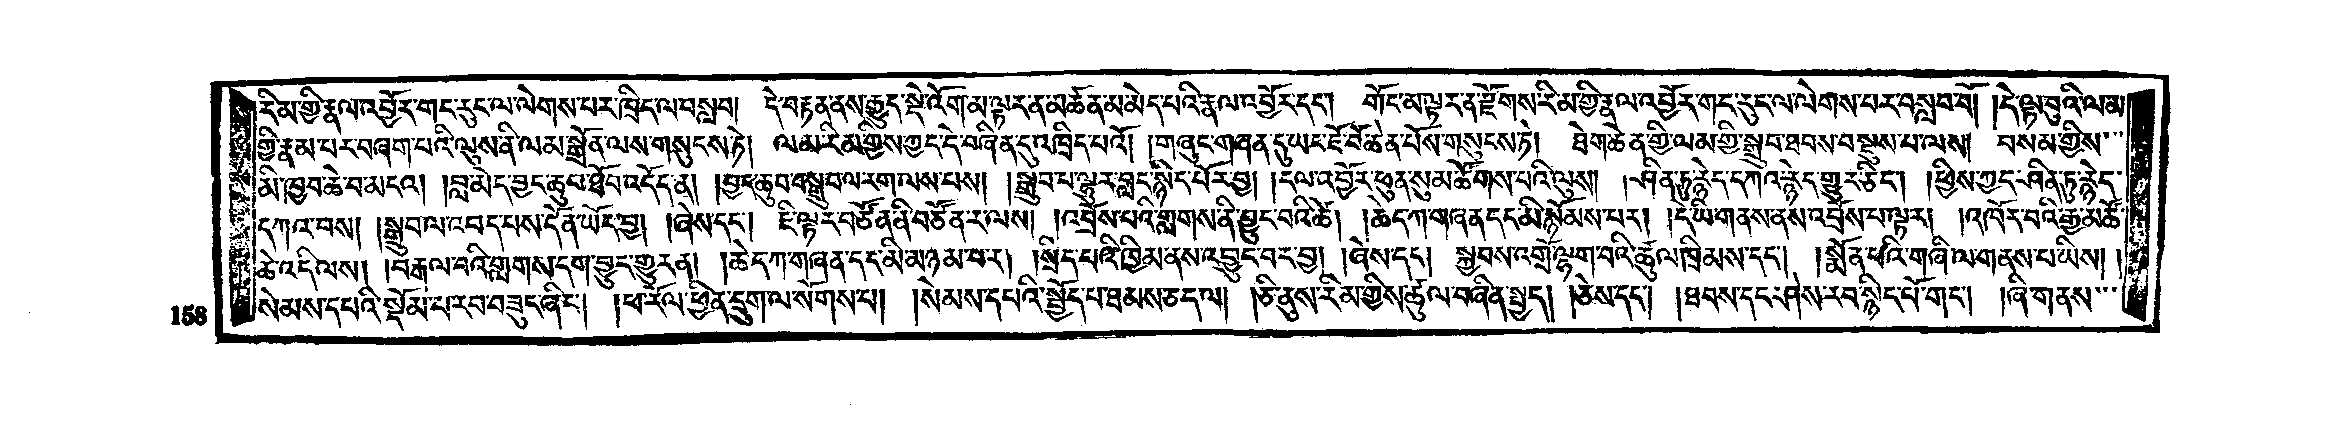རིམ་གྱི་རྣལ་འབྱོར་གང་རུང་ལ་ལེགས་པར་ཁྲིད་ལ་བསླབ། དེ་བརྟན་ནས་རྒྱུད་སྡེ་འོག་མ་ལྟར་ན་མཚན་མ་མེད་པའི་རྣལ་འབྱོར་དང་། གོང་མ་ལྟར་ན་རྫོགས་རིམ་གྱི་རྣལ་འབྱོར་གང་རུང་ལ་ལེགས་པར་བསླབ་བོ། །དེ་ལྟ་བུའི་ལམ་
གྱི་རྣམ་པར་བཞག་པའི་ལུས་ནི་ལམ་སྒྲོན་ལས་གསུངས་ཏེ། ལམ་རིམ་གྱིས་ཀྱང་དེ་བཞིན་དུ་འཁྲིད་པའོ། །གཞུང་གཞན་དུ་ཡང་ཇོ་བོ་ཆེན་པོས་གསུངས་ཏེ། ཐེག་ཆེན་གྱི་ལམ་གྱི་སྒྲུབ་ཐབས་བསྡུས་པ་ལས། བསམ་གྱིས་
མི་ཁྱབ་ཆེ་བ་མདའ། །བླ་མེད་བྱང་ཆུབ་ཐོབ་འདོད་ན། །བྱང་ཆུབ་བསྒྲུབ་ལ་རག་ལས་པས། །སྒྲུབ་པ་ལྷུར་བླང་སྙིང་པོར་བྱ། །དལ་འབྱོར་ཕུན་སུམ་ཚོགས་པའི་ལུས། །ཤིན་ཏུ་རྙེད་དཀའ་རྙེད་གྱུར་ཅིང་། །ཕྱིས་ཀྱང་ཤིན་ཏུ་རྙེད་
དཀའ་བས། །སྒྲུབ་ལ་འབད་པས་དོན་ཡོད་བྱ། །ཞེས་དང་། ཇི་ལྟར་བཙོན་ནི་བཙོན་ར་ལས། །འབྲོས་པའི་གླགས་ནི་བྱུང་བའི་ཚེ། །ཆེད་ཀ་གཞན་དང་མི་སྙོམས་པར། །དེ་ཡི་གནས་ནས་འབྲོས་པ་རལྟར། །འཁོར་བའི་རྒྱ་མཚོ་
ཆེ་འདི་ལས། །བརྒལ་བའི་གླགས་དག་བྱུང་གྱུར་ན། །ཆེད་ཀ་གཞན་དང་མི་མཉམ་པར། །སྲིད་པའི་ཁྱིམ་ནས་འབྱུང་བར་བྱ། །ཞེས་དང་། སྐྱབས་འགྲོ་ལྷག་པའི་ཚུལ་ཁྲིམས་དང་། །སྨོན་པའི་གཞི་ལ་གནས་པ་ཡིས། །
སེམས་དཔའི་སྡོམ་པ་རབ་བཟུང་ཞིང་། །ཕ་རོལ་ཕྱིན་དྲུག་ལ་སོགས་པ། །སེམས་དཔའི་སྤྱོད་པ་ཐམས་ཅད་ལ། །ཅི་ནུས་རིམ་གྱིས་ཚུལ་བཞིན་སྤྱད། །ཅེས་དང་། །ཐབས་དང་ཤེས་རབ་སྙིང་པོ་གང་། །ཞི་གནས་